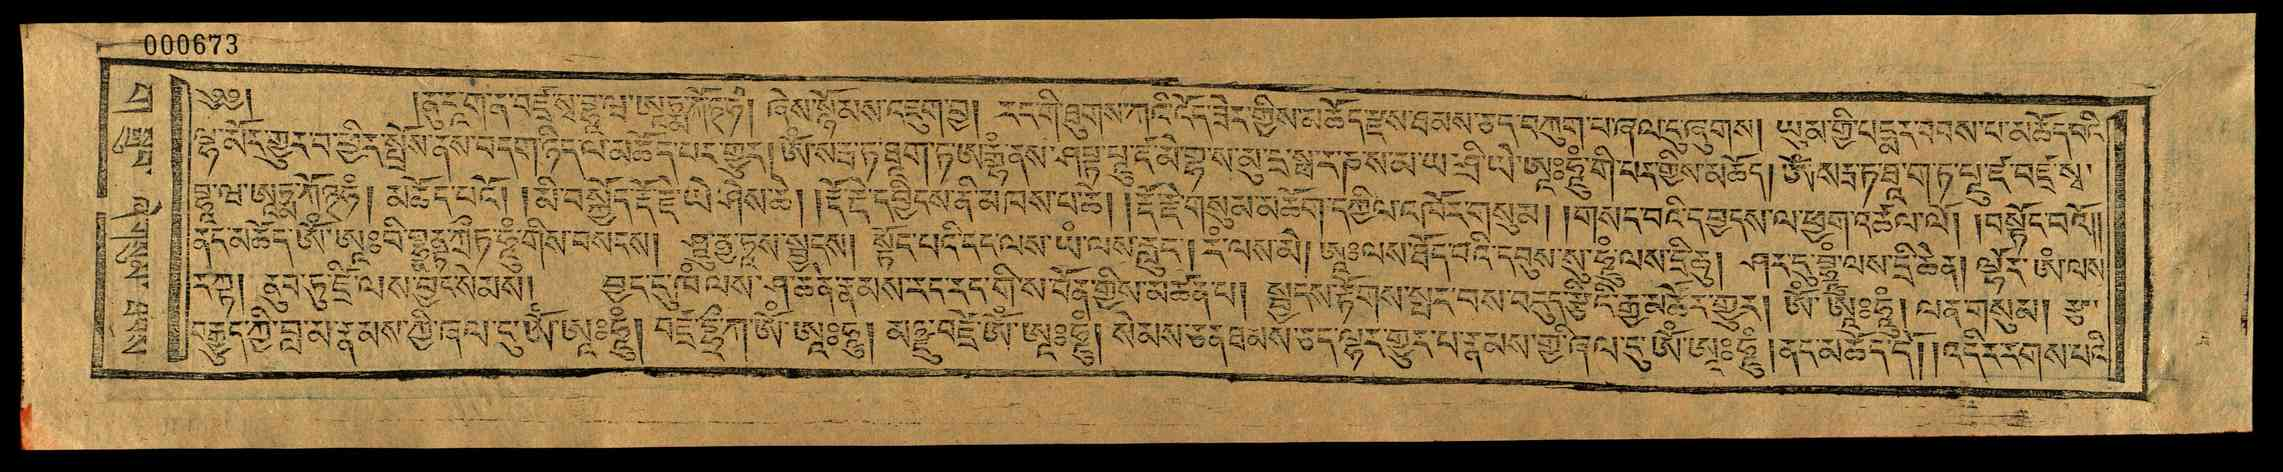༄༅། །ནུ་རཱ་ག་ན་བཛྲ་སྭ་བྷཱ་ཝ་ཨཱཏྨ་ཀོཉ་ཧཾ། ཞེས་སྙོམས་འཇུག་བྱ། རང་གི་ཐུགས་ཀའི་འོད་ཟེར་གྱིས་མཆོད་རྫས་ཐམས་ཅད་བཀུག་པ་ཞལ་དུ་ཞུགས། ཡུམ་གྱི་པདམར་བབས་པ་མཆོད་པ་
ལྷ་མོར་གྱུར་པ་ཕྱིར་སྤྲོས་ནས་བདག་ཉིད་ལ་མཆོད་པར་གྱུར། ཨོཾ་སརྦ་ཏ་ཐཱ་ག་ཏ་ཨརྒྷཾ་ནས་ཤཔྟ་པཱུ་ཛ་མེ་གྷ་ས་མུ་དྲ་སྤར་ཎ་ས་མ་ཡ་ཤྲི་ཡེ་ཨཱཿ ཧཱུཾ་གི་བར་གྱིས་མཆོད། ཨོཾ་སརྦ་ཏ་ཐཱ་ག་ཏ་པཱུ་ཛ་བཛྲ་སྭ་
བྷཱ་ཝ་ཨཱཏྨ་ཀོཉ་ཧཾ། མཆོད་པའོ། །མི་བསྐྱོད་རྡོ་རྗེ་ཡེ་ཤེས་ཆེ། །རྡོ་རྗེ་དབྱིངས་ནི་མཁས་པ་ཆེ། །རྡོ་རྗེ་གསུམ་མཆོག་དཀྱིལ་འཁོར་གསུམ། །གསང་བའི་དབྱང་ལ་ཕྱག་འཚལ་ལོ་།བསྟོད་པའོ།།
ནང་མཆོད་ཨོཾ་ཨཱཿ བི་གྷྣནྟ་ཀྲྀཏ་ཧཱུཾ་གིས་བསངས། ཤཱུ་ནྱ་ཏཱས་སྦྱངས། སྟོང་པའི་ངང་ལས་ཡཾ་ལས་རླུང་། རཾ་ལས་མེ། ཨཱཿ ལས་ཐོད་པའི་དབུས་སུ་ཧཱུཾ་ལས་དྲི་ཆུ། ཤར་དུ་བྷྲཱུཾ་ལས་དྲི་ཆེན། ལྷོར་ཨཾ་ལས་
རཀྟ། ནུབ་ཏུ་ཛྲེཾ་ལས་བྱང་སེམས། བྱང་དུ་ཁཾ་ལས་ཤ་ཆེན་རྣམས་རང་རང་གི་ས་བོན་གྱིས་མཚན་པ། སྦྱངས་རྟོགས་སྦར་བས་བདུད་རྩིའི་རྒྱ་མཚོར་གྱུར། ཨོཾ་ཨཱཿ ཧཱུཾ། ལན་གསུམ། རྩ་
བརྒྱུད་ཀྱི་བླ་མ་རྣམས་ཀྱི་ཞལ་དུ་ཨོཾ་ཨཱཿ ཧཱུཾ། བཛྲ་ཁྲྀ་ཀ་ཨོཾ་ཨཱཿ ཧཱུཾ། མཉྫུ་བཛྲེ་ཨོཾ་ཨཱཿ ཧཱུཾ། སེམས་ཅན་ཐམས་ཅད་ལྷར་གྱུར་པ་རྣམས་གྱི་ཞལ་དུ་ཨོཾ་ཨཱཿ ཧཱུཾ། ནང་མཆོད་དོ། །འདིར་རགས་ཕྲའི་